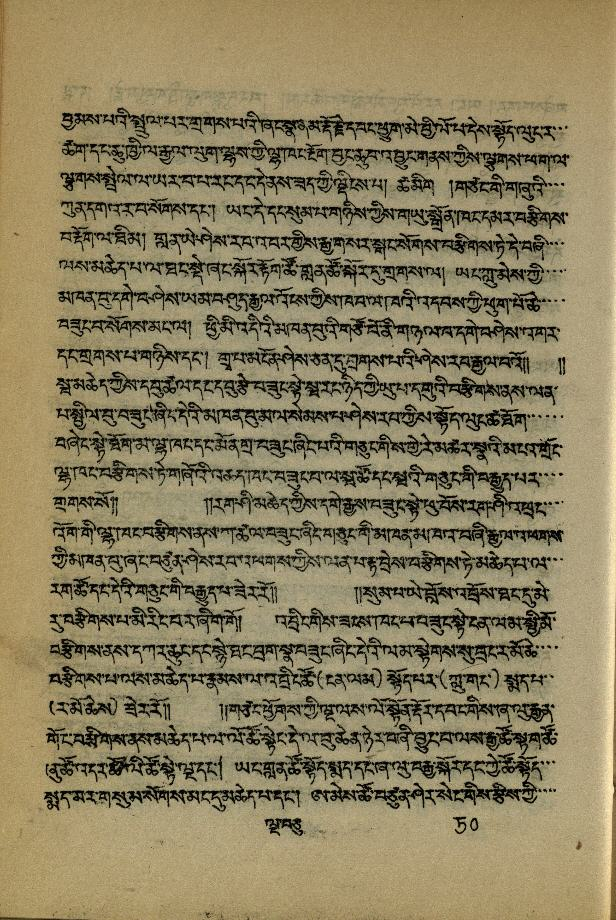བྱམས་པའི་སྤྲུལ་པར་གྲགས་པའི་ཞང་སྣ་ནམ་རྡོ་རྗེ་དབང་ཕྱུག་མེ་བྱི་ལོ་པ་དེས་སྟོད་ལུང་ར་
ཚག་དང་ཆུ་ཁྱི་ལ་རྒྱལ་ལུག་ལྷས་ཀྱི་ལྷ་ཁང་རྡོག་བྱང་ཆུབ་འབྱུང་གནས་ཀྱིས་ལྕགས་ཕག་ལ་
ལྕགས་སྤྲེལ་ལ་ཡར་བ་པ་རང་དང་དེ་ནས་ཟད་ཀྱི་ལྡིངས་པ། ཚ་མིག །གཙང་གི་གཞུའི་
ཀུན་དགའ་ར་བ་སོགས་དང་། ཡང་དེ་དང་སུམ་པ་གཉིས་ཀྱིས་གཡུ་སྒྲོན་ཁང་དམར་བརྩིགས་
བ་རྡོག་ལ་ཐིམ། གླན་ཡེ་ཤེས་རབ་འབར་གྱིས་རྒྱ་གསར་སྒང་སོགས་བརྩིགས་ཏེ་དེ་བཞི་
ལས་མཆེད་པ་ལ་ཐང་སྡེ་ཞང་སྐོར་རྟོག་ཚོ་གླན་ཚོ་སྐོར་དུ་གྲགས་ལ། ཡང་ཀླུ་མེས་ཀྱི་
མཁན་བུ་དགེ་བཤེས་ཡམ་བཤུད་རྒྱལ་འོངས་ཀྱིས་ཁབ་ལ་ཁའི་འདབས་ཀྱི་ཕུག་པོ་ཆེ་
བཟུང་བ་སོགས་མང་ལ། ཕྱི་མི་འདིའི་མཁན་བུའི་གཙོ་བོ་ནི་གཉལ་བ་དགེ་བཤེས་འགར་
དང་གྲགས་པ་གཉིས་དང་། གྲྭ་པ་མངོན་ཤེས་ཅན་དུ་གྲགས་པའི་ཤེས་རབ་རྒྱལ་བའོ།། །།
སྦ་མཆེད་ཀྱིས་དབུ་ཚལ་དང་དབུ་རྩེ་བཟུང་སྟེ་སྦ་རང་ཉིད་ཀྱི་ཡུ་པ་དགུའི་བརྩིགས་ནས་ལན་
པ་སྤྱིལ་བུ་བཟུང་ཞིང་དེའི་མཁན་བུ་མ་ལ་སེམས་པ་ཤེས་རབ་ཀྱིས་སྟོད་ལུང་ཚ་ཐོག་
བཞེང་སྟེ་ཐོག་མ་ལྷ་ཁང་དང་མོན་གྲ་བཟུང་ཞིང་པའི་གཅུང་གིས་གྱེ་རེ་མཚར་སྣའི་མངའ་གྲོང་
ལྷ་ཁང་བརྩིགས་ཏེ་གཞོའི་འཆད་ཁང་བཟུང་བ་ལ་སྦ་ཚོ་དང་སྦའི་གཅུང་གི་བརྒྱུད་པར་
གྲགས་སོ།། །།རག་ཤི་མཆེད་ཀྱིས་དགེ་རྒྱས་བཟུང་སྟེ་ཕུ་བོས་རག་ཤི་འཕྲང་
འོག་གི་ལྷ་ཁང་བརྩིགས་ནས་ཀ་ཚལ་བཟུང་ཞིང་གཟུང་གི་མཁན་མཁའ་བཞི་རྒྱལ་འཕགས་
ཀྱི་མཁན་བུ་ཞང་བཙུན་ཤེས་རབ་འཕགས་ཀྱིས་ལན་པ་རྟ་བྲེས་བརྩིགས་ཏེ་མཆེད་པ་ལ་
རག་ཚོ་དང་དེའི་གཅུང་གི་བརྒྱུད་པ་ཟེར་རོ།། །།སུམ་པ་ཡེ་བློས་འབྲོས་ཐང་དུ་མེ་
རུ་བརྩིགས་པ་མི་རིང་བར་ཞིག་གོ། འབྲིང་གིས་ཟངས་ཁང་པ་བཟུང་སྟེ་ངན་ལམ་སྤྱི་མོ་
བརྩིགས་ནས་དཀར་ཆུང་དང་སྙེ་ཐང་བྲག་སྣ་བཟུང་ཞིང་དེའི་ལམ་སྟེགས་སུ་བྲང་ར་མོ་ཆེ་
བརྩིགས་པ་ལས་མཆེད་པ་རྣམས་ལ་འབྲིང་ཚོ་ངན་ལམ་སྟོད་པར་ཀླུ་གང་སྨད་པ་
ར་མོ་ཆེས་ཟེར་རོ།། །།གཙང་ཕྱོགས་ཀྱི་ལྔ་ལས་ལོ་སྟོན་རྡོར་དབང་གིས་ཞ་ལུ་རྒྱན་
གོང་བརྩིགས་ནས་མཆེད་པ་ལ་ལོ་ཚེ་སྟེང་དེ་ལ་བུ་ཆེན་ཉེར་བཞི་བྱུང་བ་ལས་རྒྱ་ཚོ་སྟག་ཚོ་
ནུ་ཚོ་འདར་ཚོ་ལི་ཚོ་སྟེ་ལྔ་དང་། ཡང་གླན་ཚོ་སྟོད་སྨད་དང་ཞ་ལུ་བརྒྱ་སྐོར་དང་ཀྱེ་ཚོ་སྟོད་
སྨད་མར་གསུམ་སོགས་མང་དུ་མཆེད་པ་དང་། ཨ་མེས་ཚོ་བཙུན་ཤེར་སེང་གིས་རྩིས་ཀྱི་